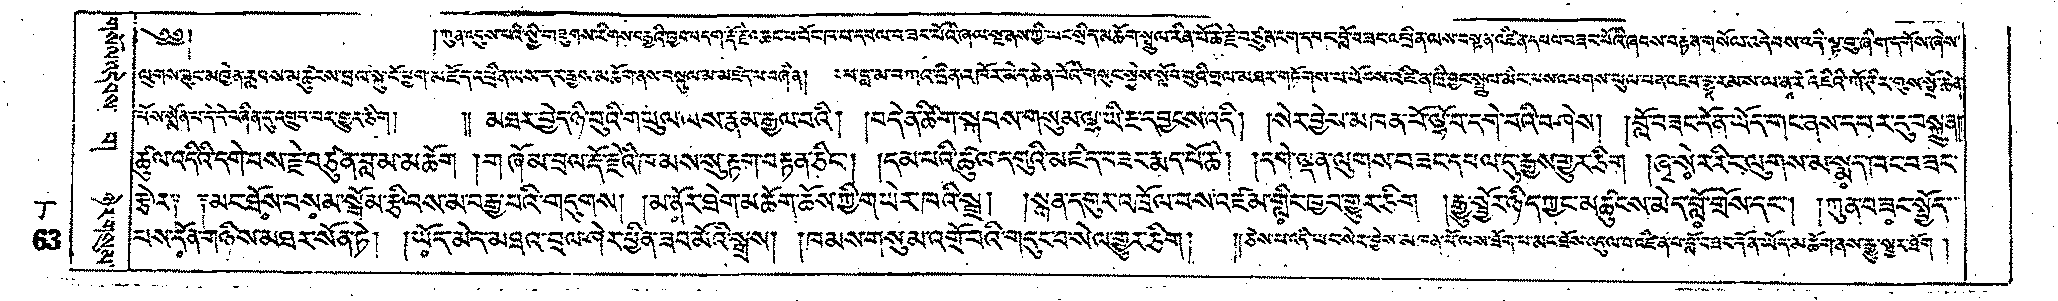༄༅། །ཀུན་འདུས་པའི་སྤྱི་གཟུགས་རིགས་བརྒྱའི་ཁྱབ་བདག་རྡོ་རྗེ་འཆང་ཕ་བོང་ཁ་པ་དཔལ་བཟང་པོའི་ཞལ་སྔ་ནས་ཀྱི་ཡང་སྲིད་མཆོག་སྤྲུལ་རིན་པོ་ཆེ་རྗེ་བཙུན་ངག་དབང་བློ་བཟང་འཕྲིན་ལས་བསྟན་འཛིན་དཔལ་བཟང་པོའི་ཞབས་བརྟན་གསོལ་འདེབས་འདི་ལྟ་བུ་ཞིག་དགོས་ཞེས་
ལུགས་ཟུང་མཁྱེན་རླབས་མཚུངས་བྲལ་སྐུ་ངོ་ཕྱག་མཛོད་འཕྲིན་ལས་དར་རྒྱས་མཆོག་ནས་བསྐུལ་མ་མཛད་པ་བཞིན། ༧ཕ་བླ་མ་བཀའ་དྲིན་འཁོར་མེད་ཆེན་པོའི་གསུང་སྐྱེས་སློབ་བུའི་གྲལ་མཐར་གཏོགས་པ་ཡོངས་འཛིན་ཁྲི་བྱང་སྤྲུལ་མིང་པས་འཕགས་ཡུལ་པན་འཇབ་དྷཱ་རམ་ས་ལ་ནཱ་རོ་འཇིའི་ཀོ་ཊིར་གུས་སྤྲོ་ཆེན་
པོས་སྨོན་པ་དེ་དེ་བཞིན་དུ་འགྲུབ་པར་གྱུར་ཅིག། །།མཐར་བྱེད་ཉི་བུའི་གཡུལ་ལས་རྣམ་རྒྱལ་བའི། །བདེན་ཚིག་སྐབས་གསུམ་ལྷ་ཡི་རྔ་དབྱངས་འདི། །སེར་བྱེས་མཁན་པོ་ལྷོ་པ་དགེ་བའི་བཤེས། །བློ་བཟང་དོན་ཡོད་གང་ནས་དཔར་དུ་བསྐྲུན།།
ཚུལ་འདིའི་དགེ་བས་རྗེ་བཙུན་བླ་མ་མཆོག །གཞོམ་བྲལ་རྡོ་རྗེའི་ཁམས་སུ་རྟག་བརྟན་ཅིང་། །དམ་པའི་ཚུལ་དགུའི་མཛད་བཟང་རྨད་པོ་ཆེ། །དགེ་ལྡན་ལུགས་བཟང་དཔལ་དུ་རྒྱས་གྱུར་ཅིག །ཞྭ་སེར྾་རིང་ལུགས་མ་སྨད྾་ཁང་བཟང་
རྩེར༑ ༑མང་ཐོས྾་བསམ྾་སྒོམ་རྩིབས་མ་བརྒྱ་པའི་གདུགས། །མ་ནོར྾་ཐེག་མཆོག་ཆོས་ཀྱི་གཡེར་ཁའི་སྒྲ། །སྙན་དགུར་འཁྲོལ་བས་འཛམ་གླིང྾་ཁྱབ་གྱུར་ཅིག །རྒྱུ་སྦྱོར་ཉིད་ཀྱང་མཚུངས་མེད་བློ྾་གྲོས་དང་། །ཀུན་བཟང྾་སྤྱོད་་་
པས་དོན྾་གཉིས་མཐར་སོན་ཏེ། །ཡོད྾་མེད་མཐའ་བྲལ་ཤེར་ཕྱིན་ཟབ་མོའི་སྒྲས། །ཁམས་གསུམ་འགྲོ་བའི་གདུང་བ་སེལ་གྱུར་ཅིག། །།ཅེས་པ་འདི་ཡང་སེར་བྱེས་མཁན་པོ་ལས་ཐོག་པ་མང་ཐོས་འདུལ་བ་འཛིན་པ་བློ་བཟང་དོན་ཡོད་མཆོག་ནས་རྒྱུ་སྦྱར་ཐོག།